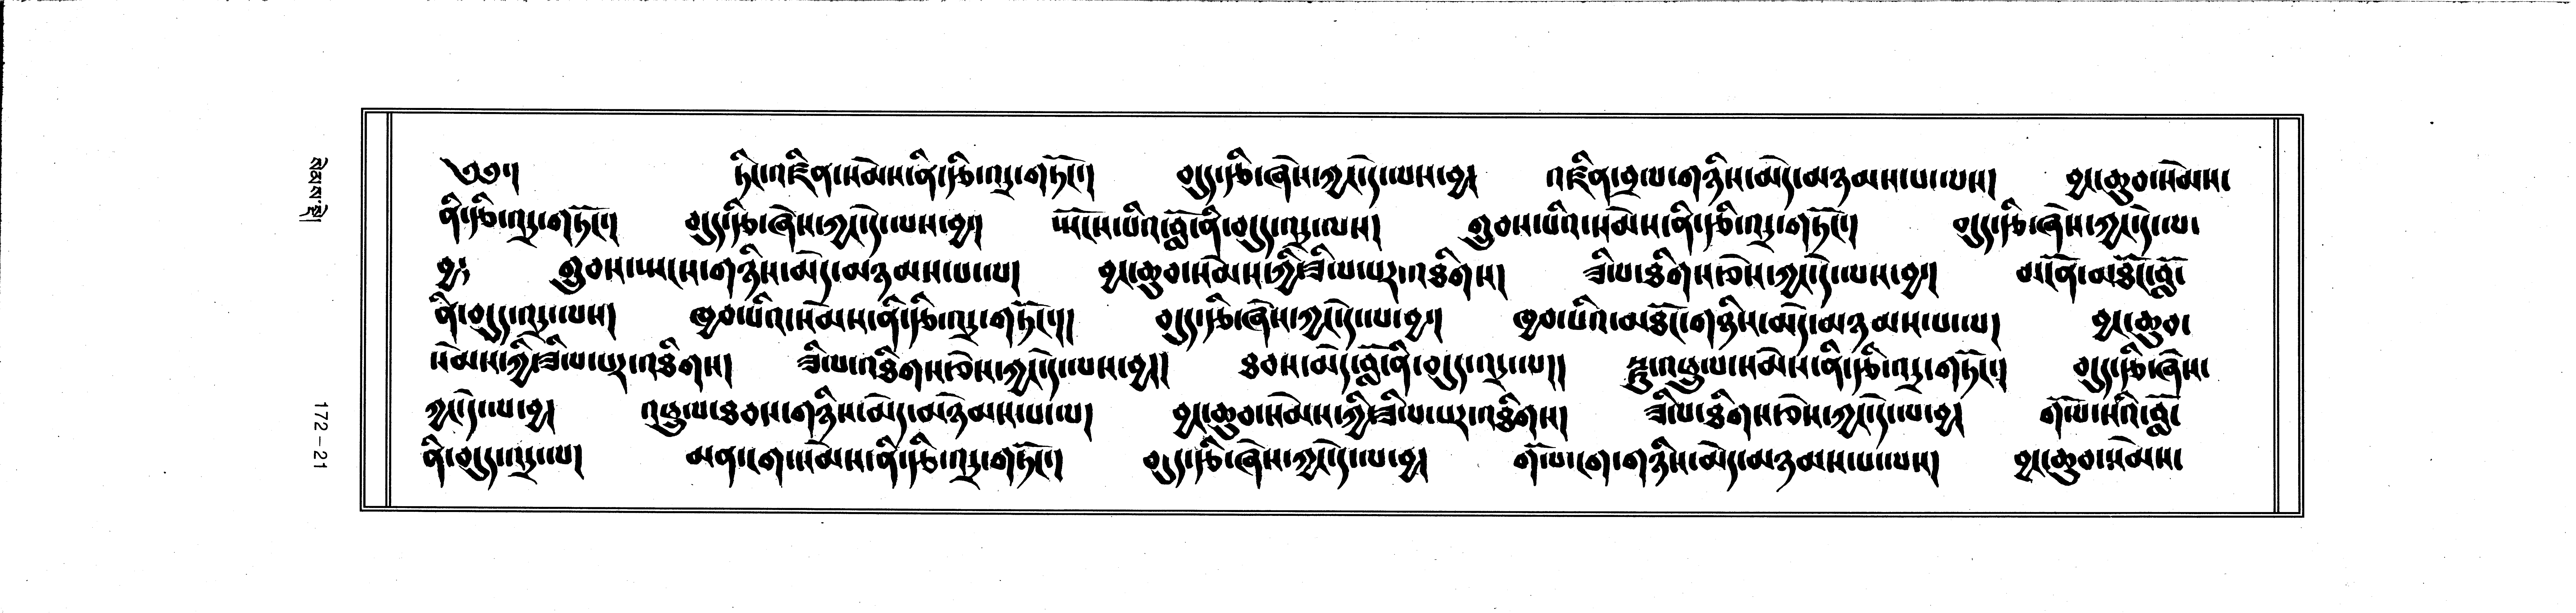ཏིང་འཛིན་སེམས་ནི་རྩི་འདྲ་གཏོང་། བདུད་རྩི་ཞེས་ཀྱང་དེ་ལ་བྱ། འཛིན་བྲལ་གཉིས་མེད་མཉམས་པ་ལས། བྱང་ཆུབ་སེམས་
ན་རྩི་འདྲ་གཏོང་། བདུད་རྩི་ཞེས་ཀྱང་དེ་ལ་བྱ། སྤོངས་པའི་བློ་ནི་བདུད་འདྲ་ལ། གྲུབ་པའི་སེམས་ནི་རྩི་འདྲ་གཏོང་། བདུད་རྩི་ཞེས་ཀྱང་དེ་ལ་
བྱ། གྲུབས་སྤངས་གཉིས་མེད་མཉམས་པ་ལས། བྱང་ཆུབ་སེམས་ཀྱི་ཟིལ་པར་འཐིགས། ཟིལ་ཐིགས་ཅེས་ཀྱང་དེ་ལས་བྱ། མངོན་མཐོང་བློ་
ནི་བདུད་འདྲ་ལ། ཁྱབ་པའི་སེམས་ནི་རྩི་འདྲ་གཏོང་། བདུད་རྩི་ཞེས་ཀྱང་དེ་ལ་བྱ། ཁྱབ་མཐོང་གཉིས་མེད་མཉམས་པ་ལས། བྱང་ཆུབ་
སེམས་ཀྱི་ཟིལ་པར་འཐིགས། ཟིལ་ཐིགས་ཅེས་ཀྱང་དེ་ལ་བྱ། ཐབས་མེད་བློ་ནི་བདུད་འདྲ་ལ། རྫུ་འཕྲུལ་སེམས་ནི་རྩི་འདྲ་གཏོང་། བདུད་རྩི་ཞེས་
ཀྱང་དེ་ལ་བྱ། འཕྲུལ་ཐབས་གཉིས་མེད་མཉེམས་པ་ལས། བྱང་ཆུབ་སེམས་ཀྱི་ཟིལ་པར་འཐིགས། ཟིལ་ཐིགས་ཅེས་ཀྱང་དེ་ལ་བྱ། གོལ་སའི་བློ་
ནི་བདུད་འདྲ་ལ། མན་ངག་སེམས་ནི་རྩི་འདྲ་གཏོང་། བདུད་རྩི་ཞེས་ཀྱང་དེ་ལ་བྱ། གོལ་ངག་གཉིས་མེད་མཉམས་པ་ལས། བྱང་ཆུབ་སེམས་